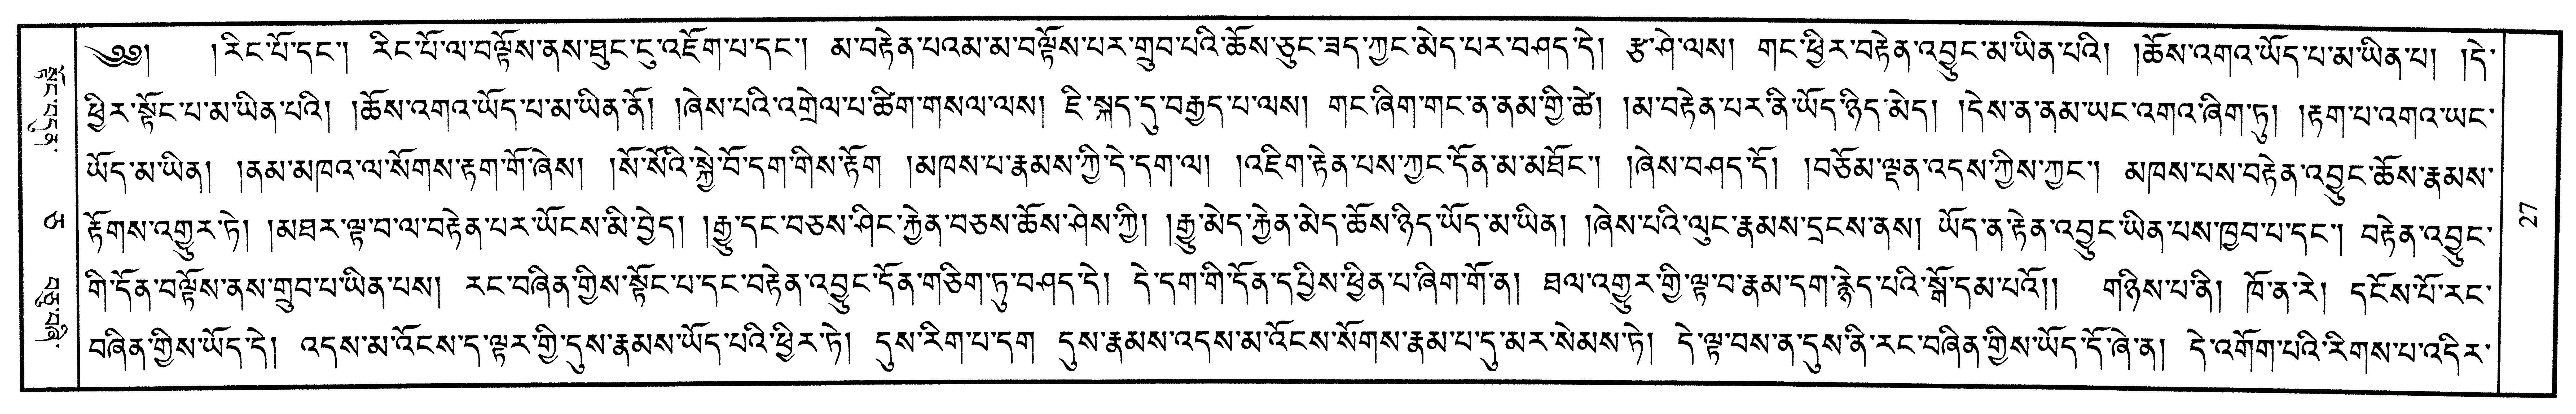༄༅། །རིང་པོ་དང་། རིང་པོ་ལ་བལྟོས་ནས་ཐུང་ངུ་འཇོག་པ་དང་། མ་བརྟེན་པའམ་མ་བལྟོས་པར་གྲུབ་པའི་ཆོས་ཅུང་ཟད་ཀྱང་མེད་པར་བཤད་དེ། རྩ་ཤེ་ལས། གང་ཕྱིར་བརྟེན་འབྱུང་མ་ཡིན་པའི། །ཆོས་འགའ་ཡོད་པ་མ་ཡིན་པ། །དེ་
ཕྱིར་སྟོང་པ་མ་ཡིན་པའི། །ཆོས་འགའ་ཡོད་པ་མ་ཡིན་ནོ། །ཞེས་པའི་འགྲེལ་པ་ཚིག་གསལ་ལས། ཇི་སྐད་དུ་བརྒྱད་པ་ལས། གང་ཞིག་གང་ན་ནམ་གྱི་ཚེ། །མ་བརྟེན་པར་ནི་ཡོད་ཉིད་མེད། །དེས་ན་ནམ་ཡང་འགའ་ཞིག་ཏུ། །རྟག་པ་འགའ་ཡང་
ཡོད་མ་ཡིན། །ནམ་མཁའ་ལ་སོགས་རྟག་གོ་ཞེས། །སོ་སོའི་སྐྱེ་བོ་དག་གིས་རྟོག །མཁས་པ་རྣམས་ཀྱི་དེ་དག་ལ། །འཇིག་རྟེན་པས་ཀྱང་དོན་མ་མཐོང་། །ཞེས་བཤད་དོ། །བཅོམ་ལྡན་འདས་ཀྱིས་ཀྱང་། མཁས་པས་བརྟེན་འབྱུང་ཆོས་རྣམས་
རྟོགས་འགྱུར་ཏེ། །མཐར་ལྟ་བ་ལ་བརྟེན་པར་ཡོངས་མི་བྱེད། །རྒྱུ་དང་བཅས་ཤིང་རྐྱེན་བཅས་ཆོས་ཤེས་ཀྱི། །རྒྱུ་མེད་རྐྱེན་མེད་ཆོས་ཉིད་ཡོད་མ་ཡིན། །ཞེས་པའི་ལུང་རྣམས་དྲངས་ནས། ཡོད་ན་རྟེན་འབྱུང་ཡིན་པས་ཁྱབ་པ་དང་། བརྟེན་འབྱུང་
གི་དོན་བལྟོས་ནས་གྲུབ་པ་ཡིན་པས། རང་བཞིན་གྱིས་སྟོང་པ་དང་བརྟེན་འབྱུང་དོན་གཅིག་ཏུ་བཤད་དེ། དེ་དག་གི་དོན་དཔྱིས་ཕྱིན་པ་ཞིག་གོ་ན། ཐལ་འགྱུར་གྱི་ལྟ་བ་རྣམ་དག་རྙེད་པའི་སྒོ་དམ་པའོ།། གཉིས་པ་ནི། ཁོ་ན་རེ། དངོས་པོ་རང་
བཞིན་གྱིས་ཡོད་དེ། འདས་མ་འོངས་ད་ལྟར་གྱི་དུས་རྣམས་ཡོད་པའི་ཕྱིར་ཏེ། དུས་རིག་པ་དག་དུས་རྣམས་འདས་མ་འོངས་སོགས་རྣམ་པ་དུ་མར་སེམས་ཏེ། དེ་ལྟ་བས་ན་དུས་ནི་རང་བཞིན་གྱིས་ཡོད་དོ་ཞེ་ན། དེ་འགོག་པའི་རིགས་པ་འདིར་